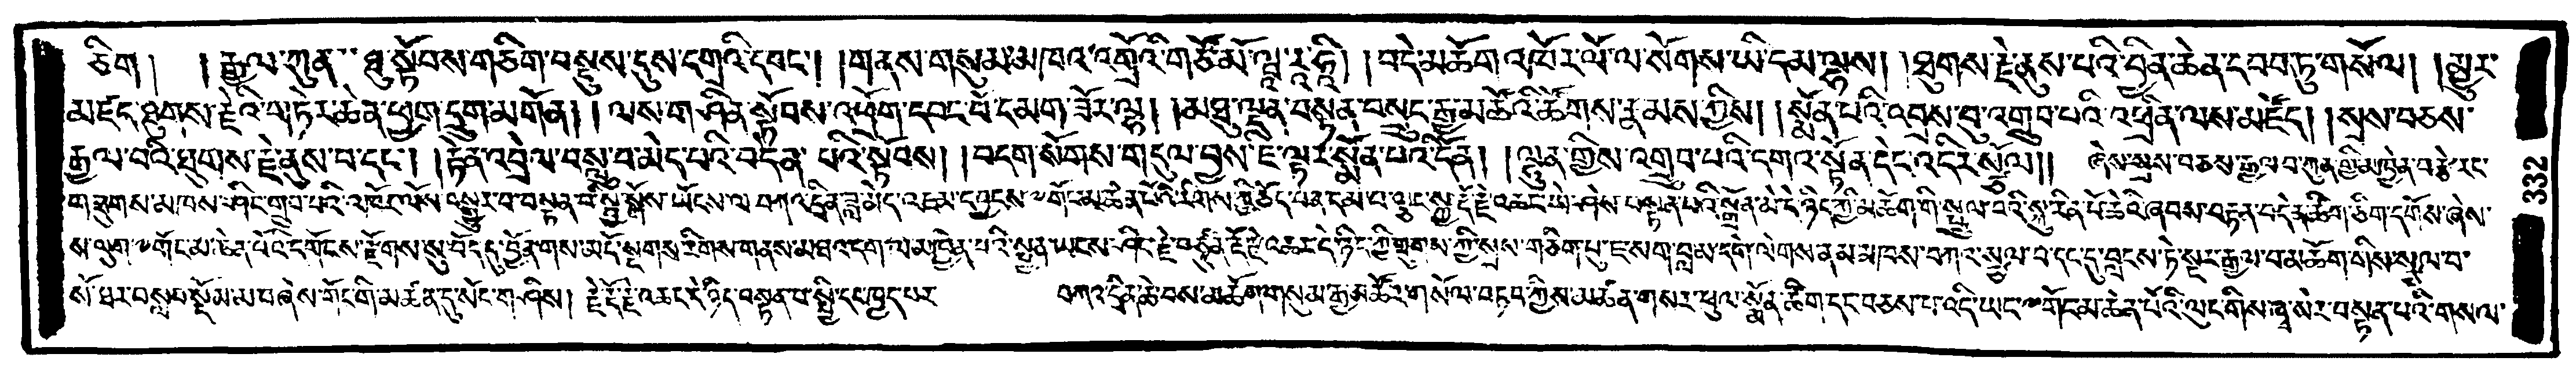ཅིག། །རྒྱལ་ཀུན་ཐུ་སྟོབས་གཅིག་བསྡུས་དུས་དགྲའི་དབང་། །གནས་གསུམ་མཁའ་འགྲོའི་གཙོ་མོ་ཝཱ་རཱ་ཧཱི། །བདེ་མཆོག་འཁོར་ལོ་ལ་སོགས་ཡི་དམ་ལྷས། །ཐུགས་རྗེ་ནུས་པའི་བྱིན་ཆེན་དབབ་ཏུ་གསོལ། །མྱུར་
མཛད་ཐུགས་རྗེའི་གཏེར་ཆེན་ཕྱག་དྲུག་མགོན། །ལས་གཤིན་སྟོབས་འཕྲོག་དབང་པོ་དམག་ཟོར་ལྷ། །མཐུ་ལྡན་བསྟན་བསྲུང་རྒྱ་མཚོའི་ཚོགས་རྣམས་ཀྱིས། །སྨོན་པའི་འབྲས་བུ་འགྲུབ་པའི་འཕྲིན་ལས་མཛོད། །སྲས་བཅས་
རྒྱལ་བའི་ཐུགས་རྗེ་ནུས་པ་དང་། །རྟེན་འབྲེལ་བསླུ་བ་མེད་པའི་བདེན་པའི་སྟོབས། །བདག་སོགས་གདུལ་བྱས་ཇི་ལྟར་སྨོན་པའི་དོན། །ལྷུན་གྱིས་འགྲུབ་པའི་དགའ་སྟོན་དེང་འདིར་སྩོལ། །ཞེས་སྲས་བཅས་རྒྱལ་བ་ཀུན་གྱི་མཁྱེན་བརྩེ་རང་
གཟུགས་མཁས་ཤིང་གྲུབ་པའི་འཁོར་ལོས་བསྒྱུར་བ་བསྟན་པ་སྤྱི་སྒོས་ཡོངས་ལ་བཀའ་དྲིན་ཟླ་མེད་འཇམ་དབྱངས ༧་གོང་མ་ཆེན་པོའི་རིགས་ཀྱི་ཅོད་པན་དམ་པ་ལྕང་སྐྱ་རྡོ་རྗེ་འཆང་ཡེ་ཤེས་བསྟན་པའི་སྒྲོན་མེ་དེ་ཉིད་ཀྱི་མཆོག་གི་སྤྲུལ་བའི་སྐུ་རིན་པོ་ཆེའི་ཞབས་བརྟན་བདེན་ཚིག་ཅིག་དགོས་ཞེས་
ས་ལུག ༧་གོང་མ་ཆེན་པོའི་དགོངས་རྫོགས་སུ་བོད་དུ་བྱོན་གས་མདོ་སྔགས་རིགས་གནས་མཐའ་དག་ལ་མཁྱེན་པའི་སྤྱན་ཡངས་ཤིང་རྗེ་བཙུན་རྡོ་རྗེ་འཆང་དེ་ཉིད་ཀྱི་གྲུགས་ཀྱི་སྲས་གཅིག་པུ་ཇ་སག་བླ་མ་དགེ་ལེགས་ནམ་མཁས་བཀའ་སྩལ་བ་དང་དུ་བླངས་ཏེ་སྔར་རྒྱལ་བ་མཆོག་གིས་སྩལ་བ་
སོ་ཐར་བསླབ་སྡོམ་མ་བཞེས་གོང་གི་མཚན་དུ་སོང་གཤིས། རྗེ་རྡོ་རྗེ་འཆང་དེ་ཉིད་བསྟན་པ་སྤྱི་དང་ཁྱད་པར་བཀའ་དྲིན་ཆེ་བས་མཆོག་གསུམ་རྒྱ་མཚོར་གསོལ་བཏབ་ཀྱིས་མཚན་གསར་ཕུལ་སྨོན་ཚིག་དང་བཅས་པ་འདི་ཡང ༧་གོང་མ་ཆེན་པོའི་ལུང་གིས་ཞྭ་སེར་བསྟན་པའི་གསལ་